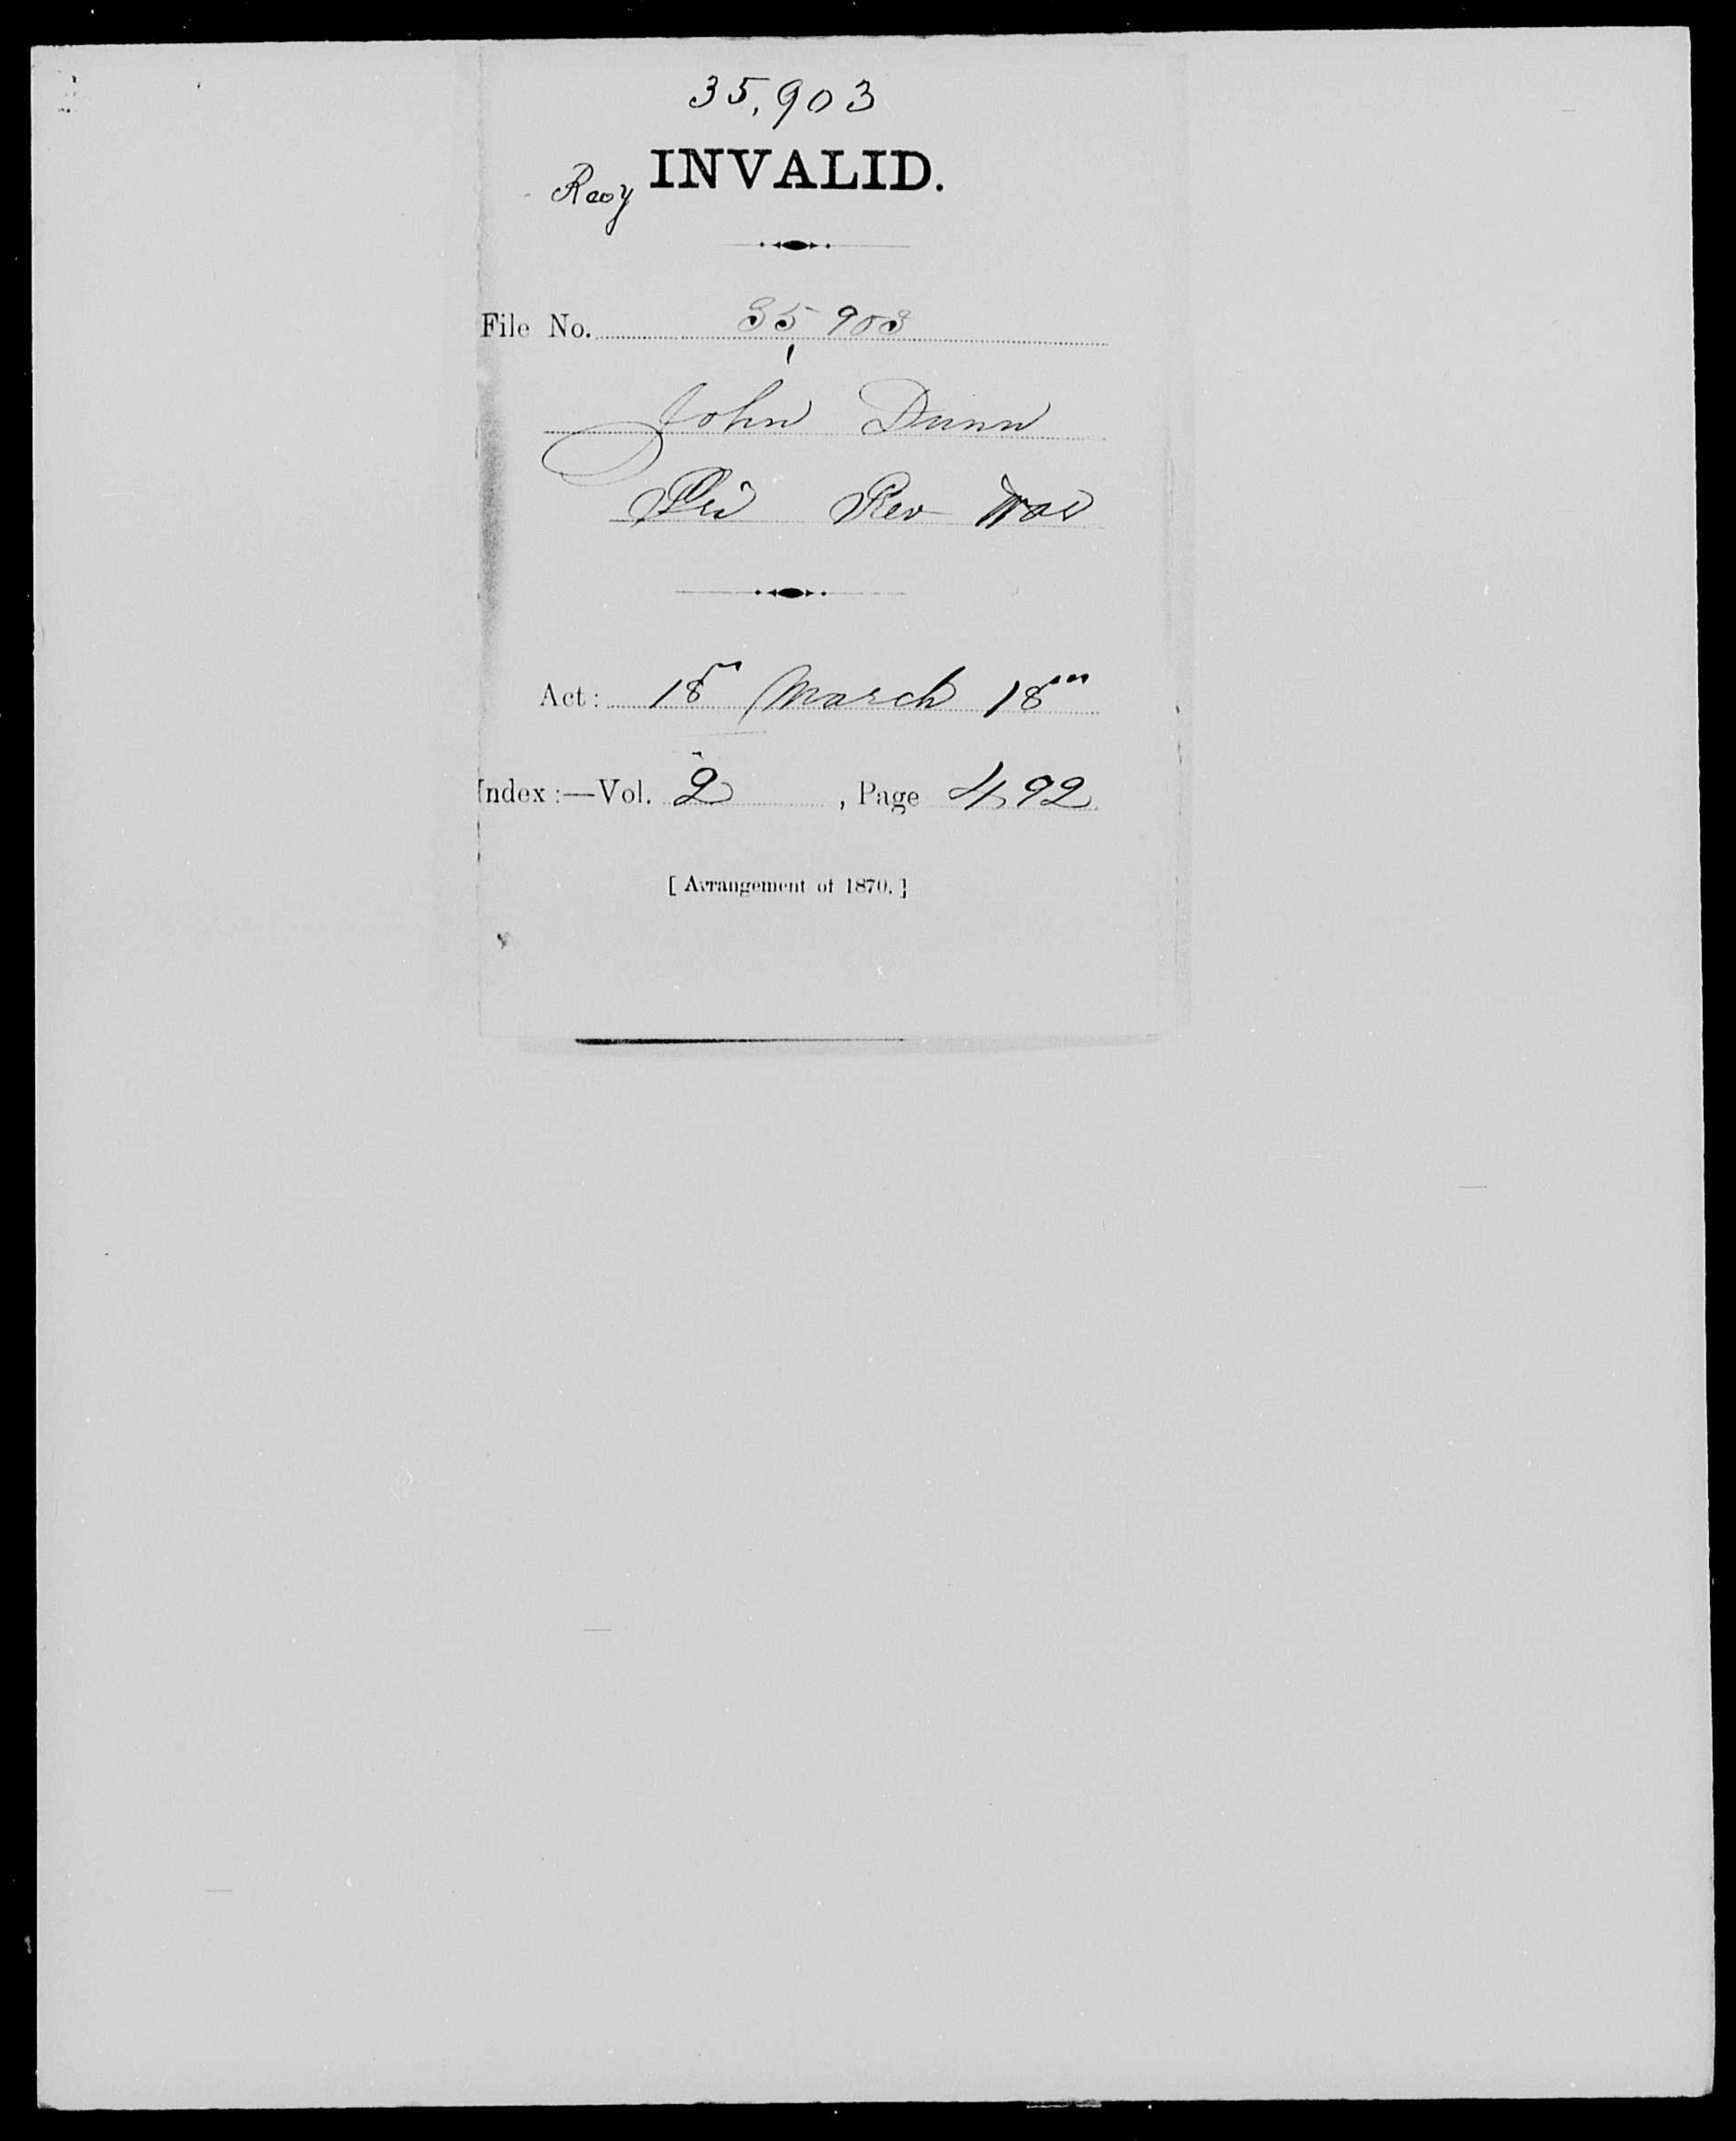35,903
Revy
INVALID.
File No. 35,903
John Dunn
Pri Rev War
Act : 18" March 18"
Index :-Vol. 2, Page 492
[Arrangement of 1870.]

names: John Dunn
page: 9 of 23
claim: survivor's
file: S 35903, John Dunn, Va.